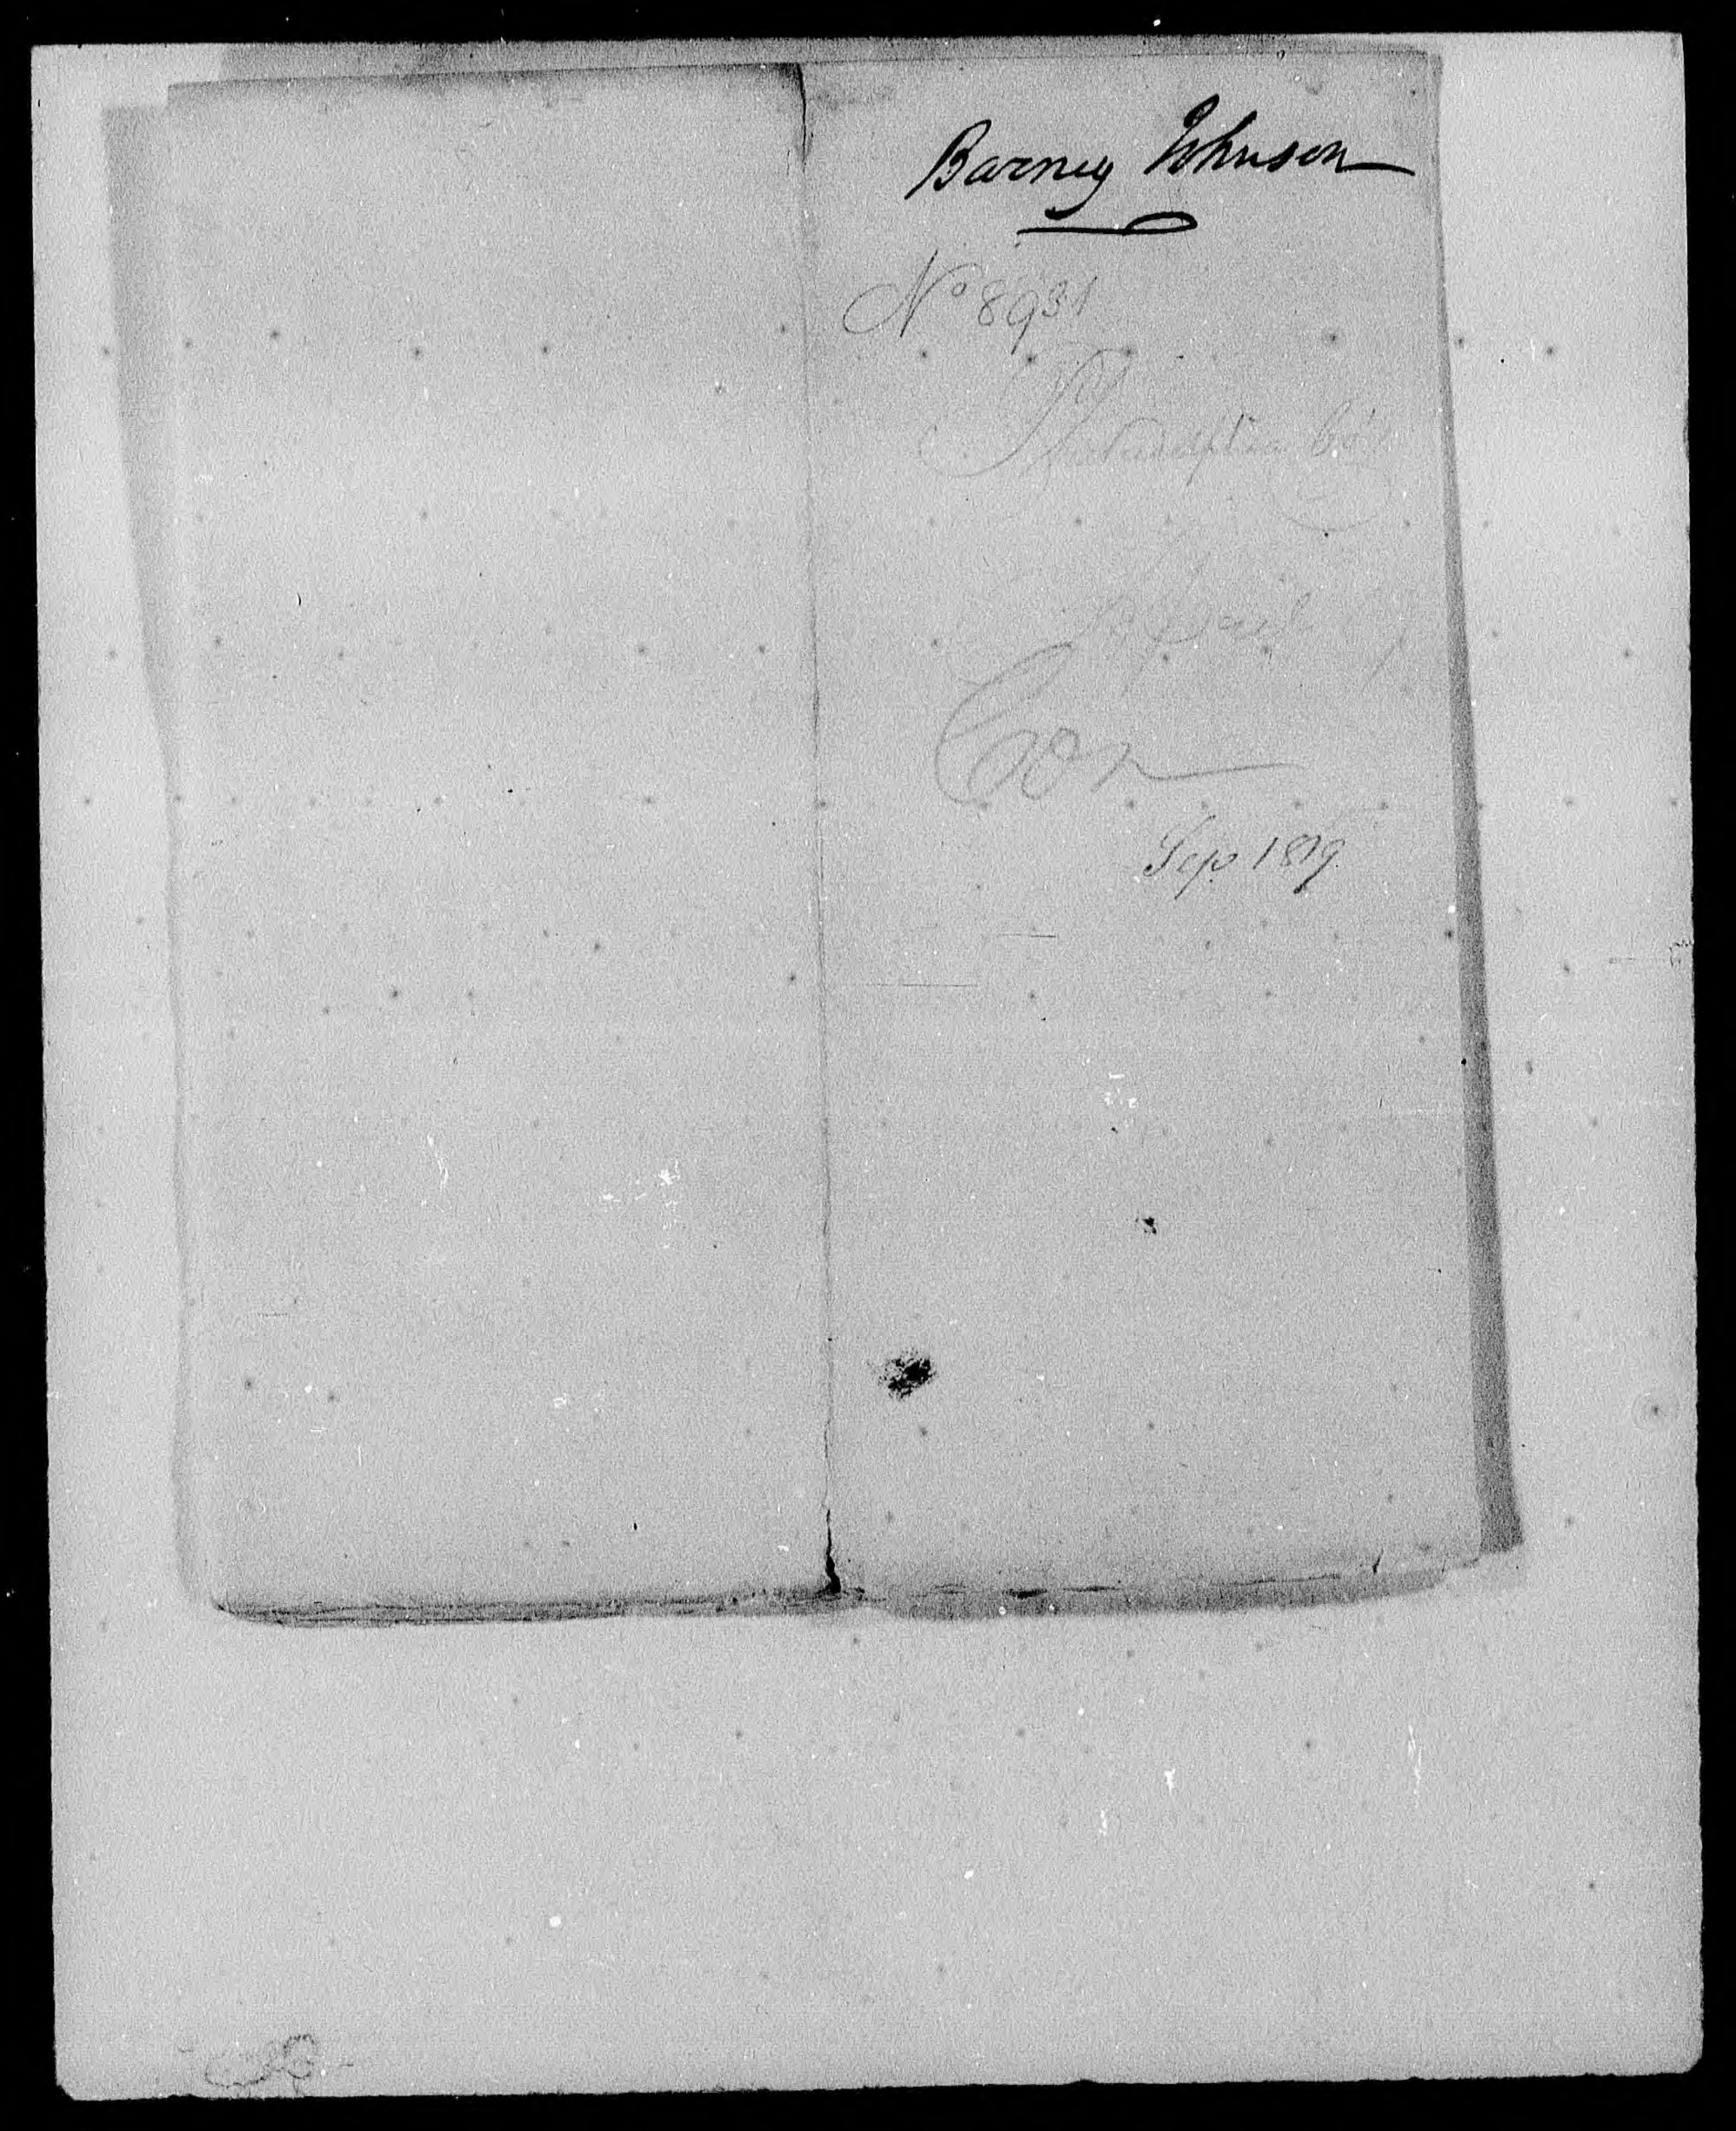Barney Johnson

No 8931

Philadelphia PA

Sep 1819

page: 7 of 11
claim: survivor's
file: S. 39,783, for Barny Johnson, Maryland